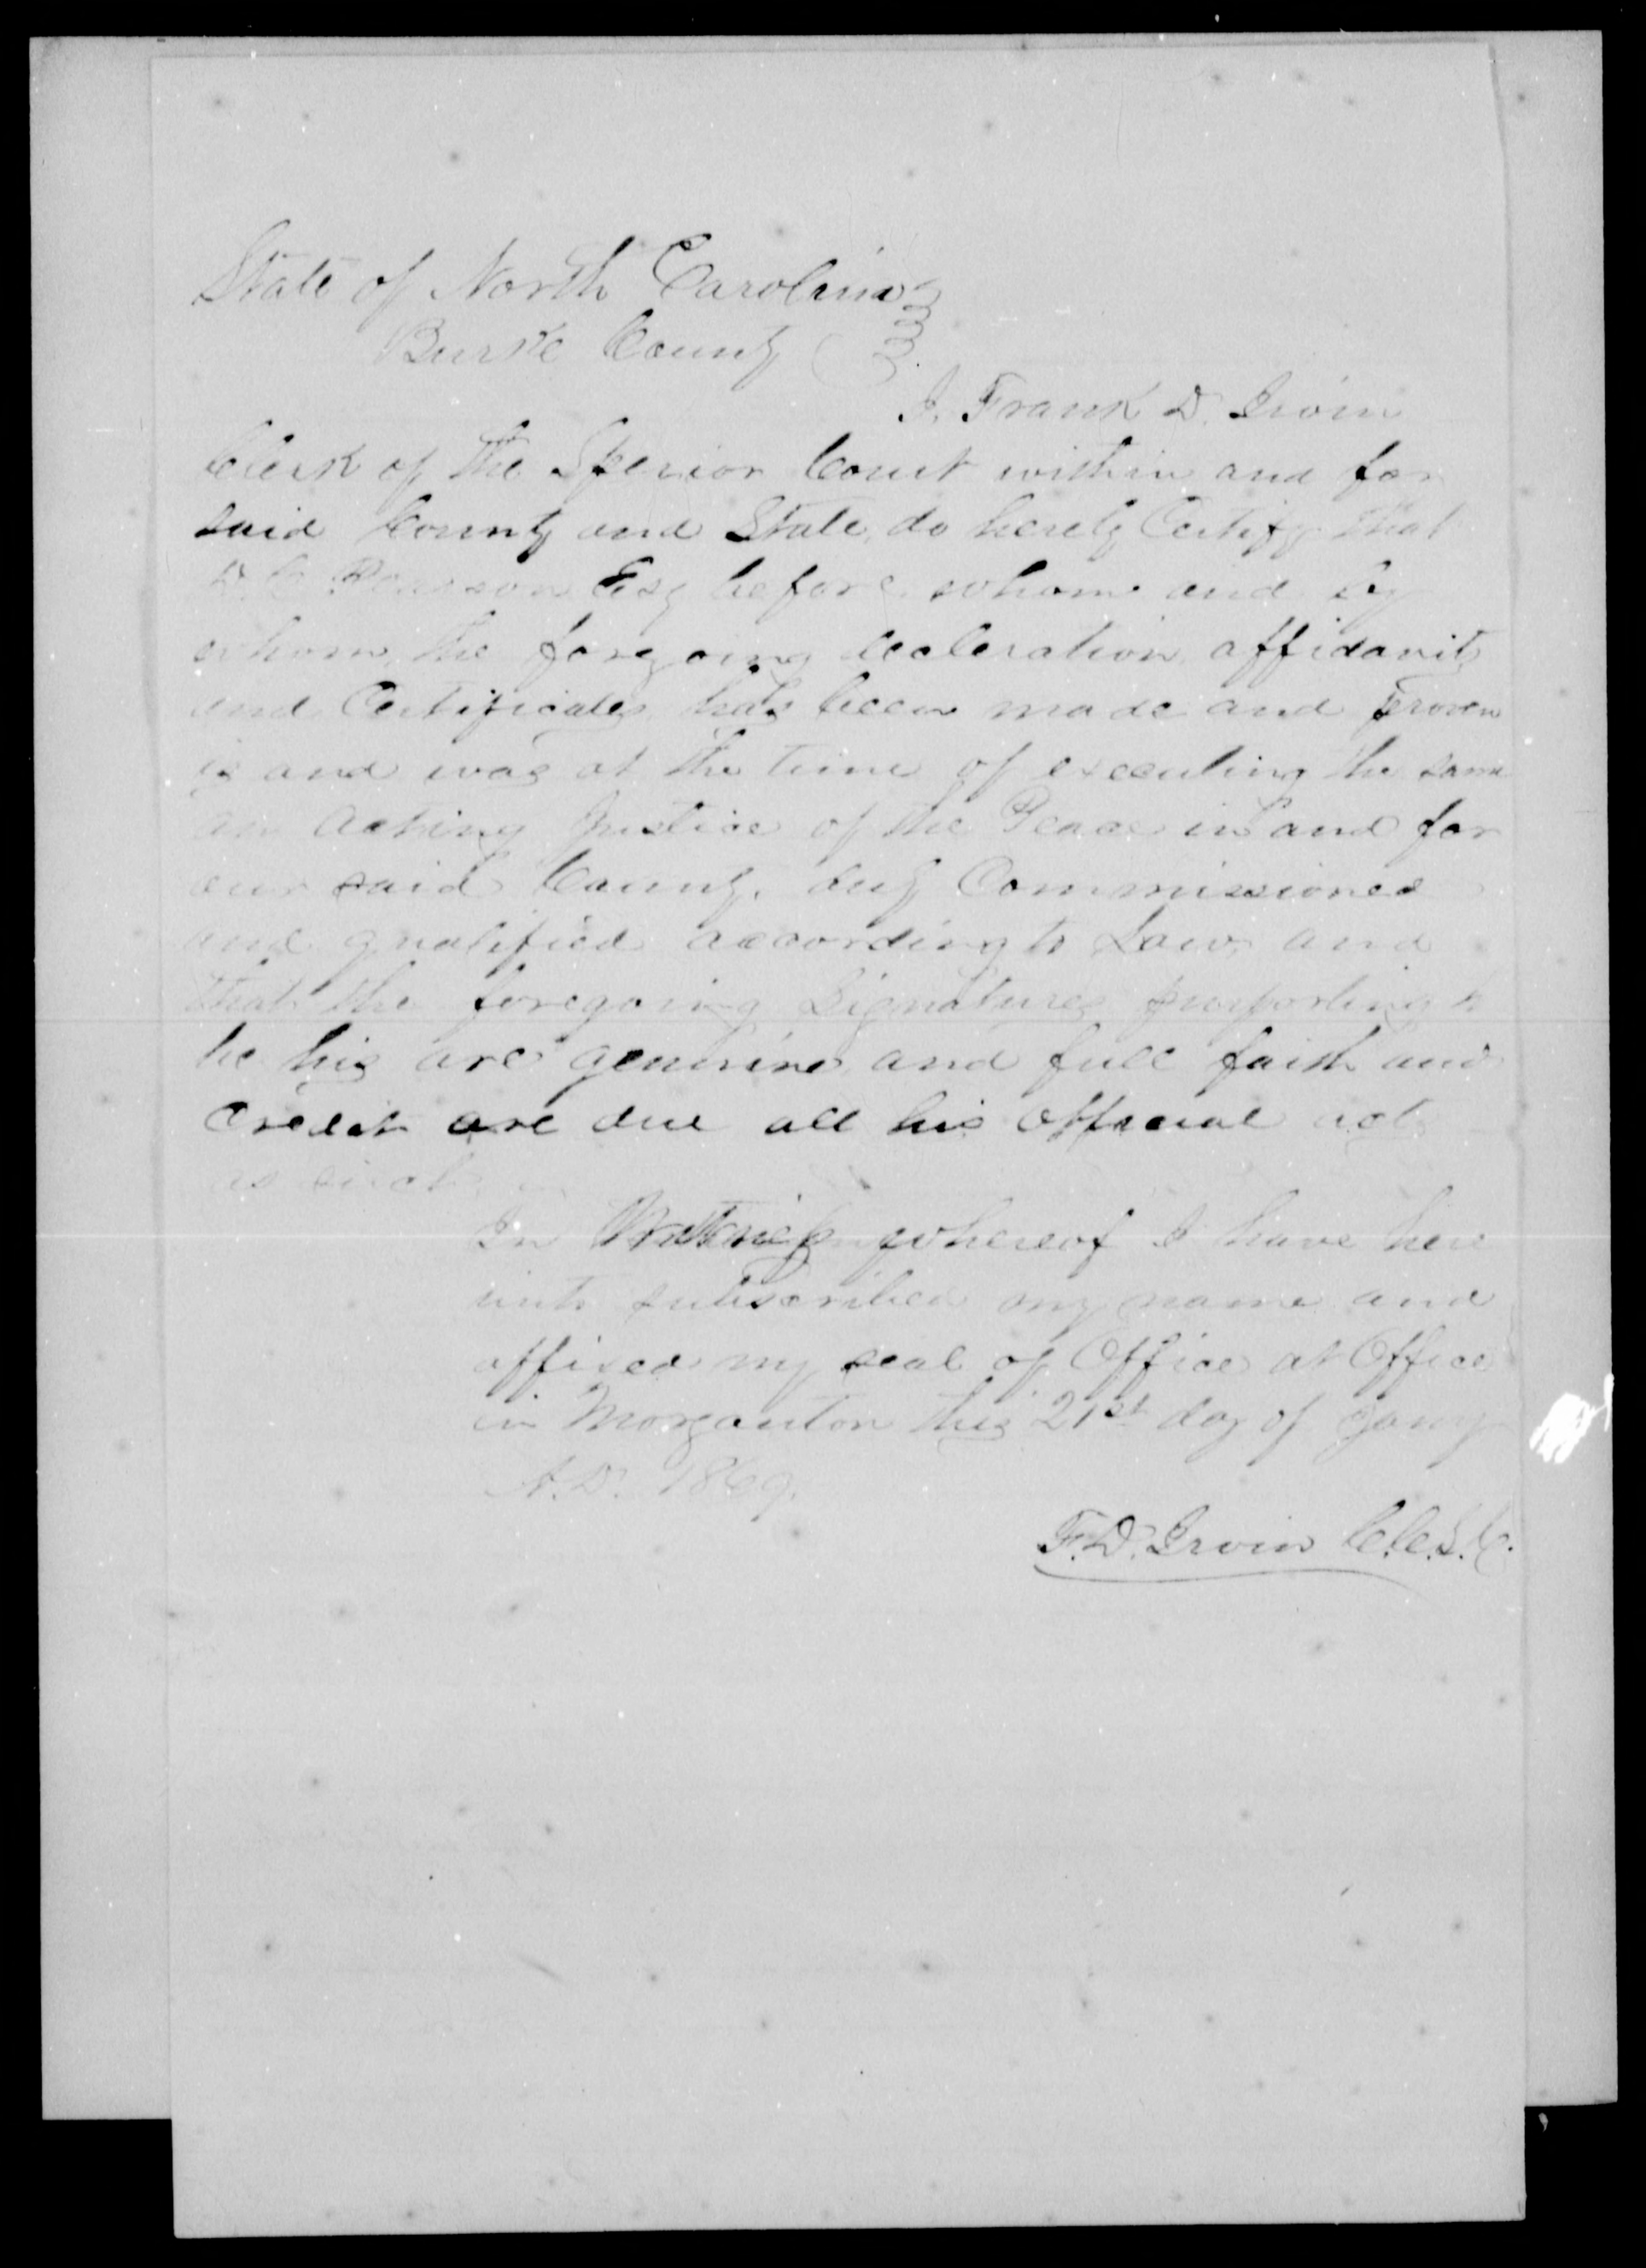State of North Carolina
Burke County
I , Frank D. Irvin
Clerk of the Superior Court within and for
said County and State do hereby Certify that
D C Pearson Esq before whom and by
whom the foregoing declaration affidavits
and certificate has been made and proven
is and was at the time of executing the same
acting Justice of the Peace in and for
our said County. duly Commissioned
and qualified according to Law and
that the foregoing Signature purporting
be his are genuine and full faith and
credit are due all his official acts as such
In Witness whereof I have here
unto subscribed my name and
affixed my seal of Office at Office
in Morganton this 21st day of Jany
A.D. 1869
F.D. Irvin C.C.S.C.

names: F D Irvin; D C Pearson; Frank D Irvin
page: 49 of 63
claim: widow's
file: W. 6158, for Benjamin Spencer, North Carolina